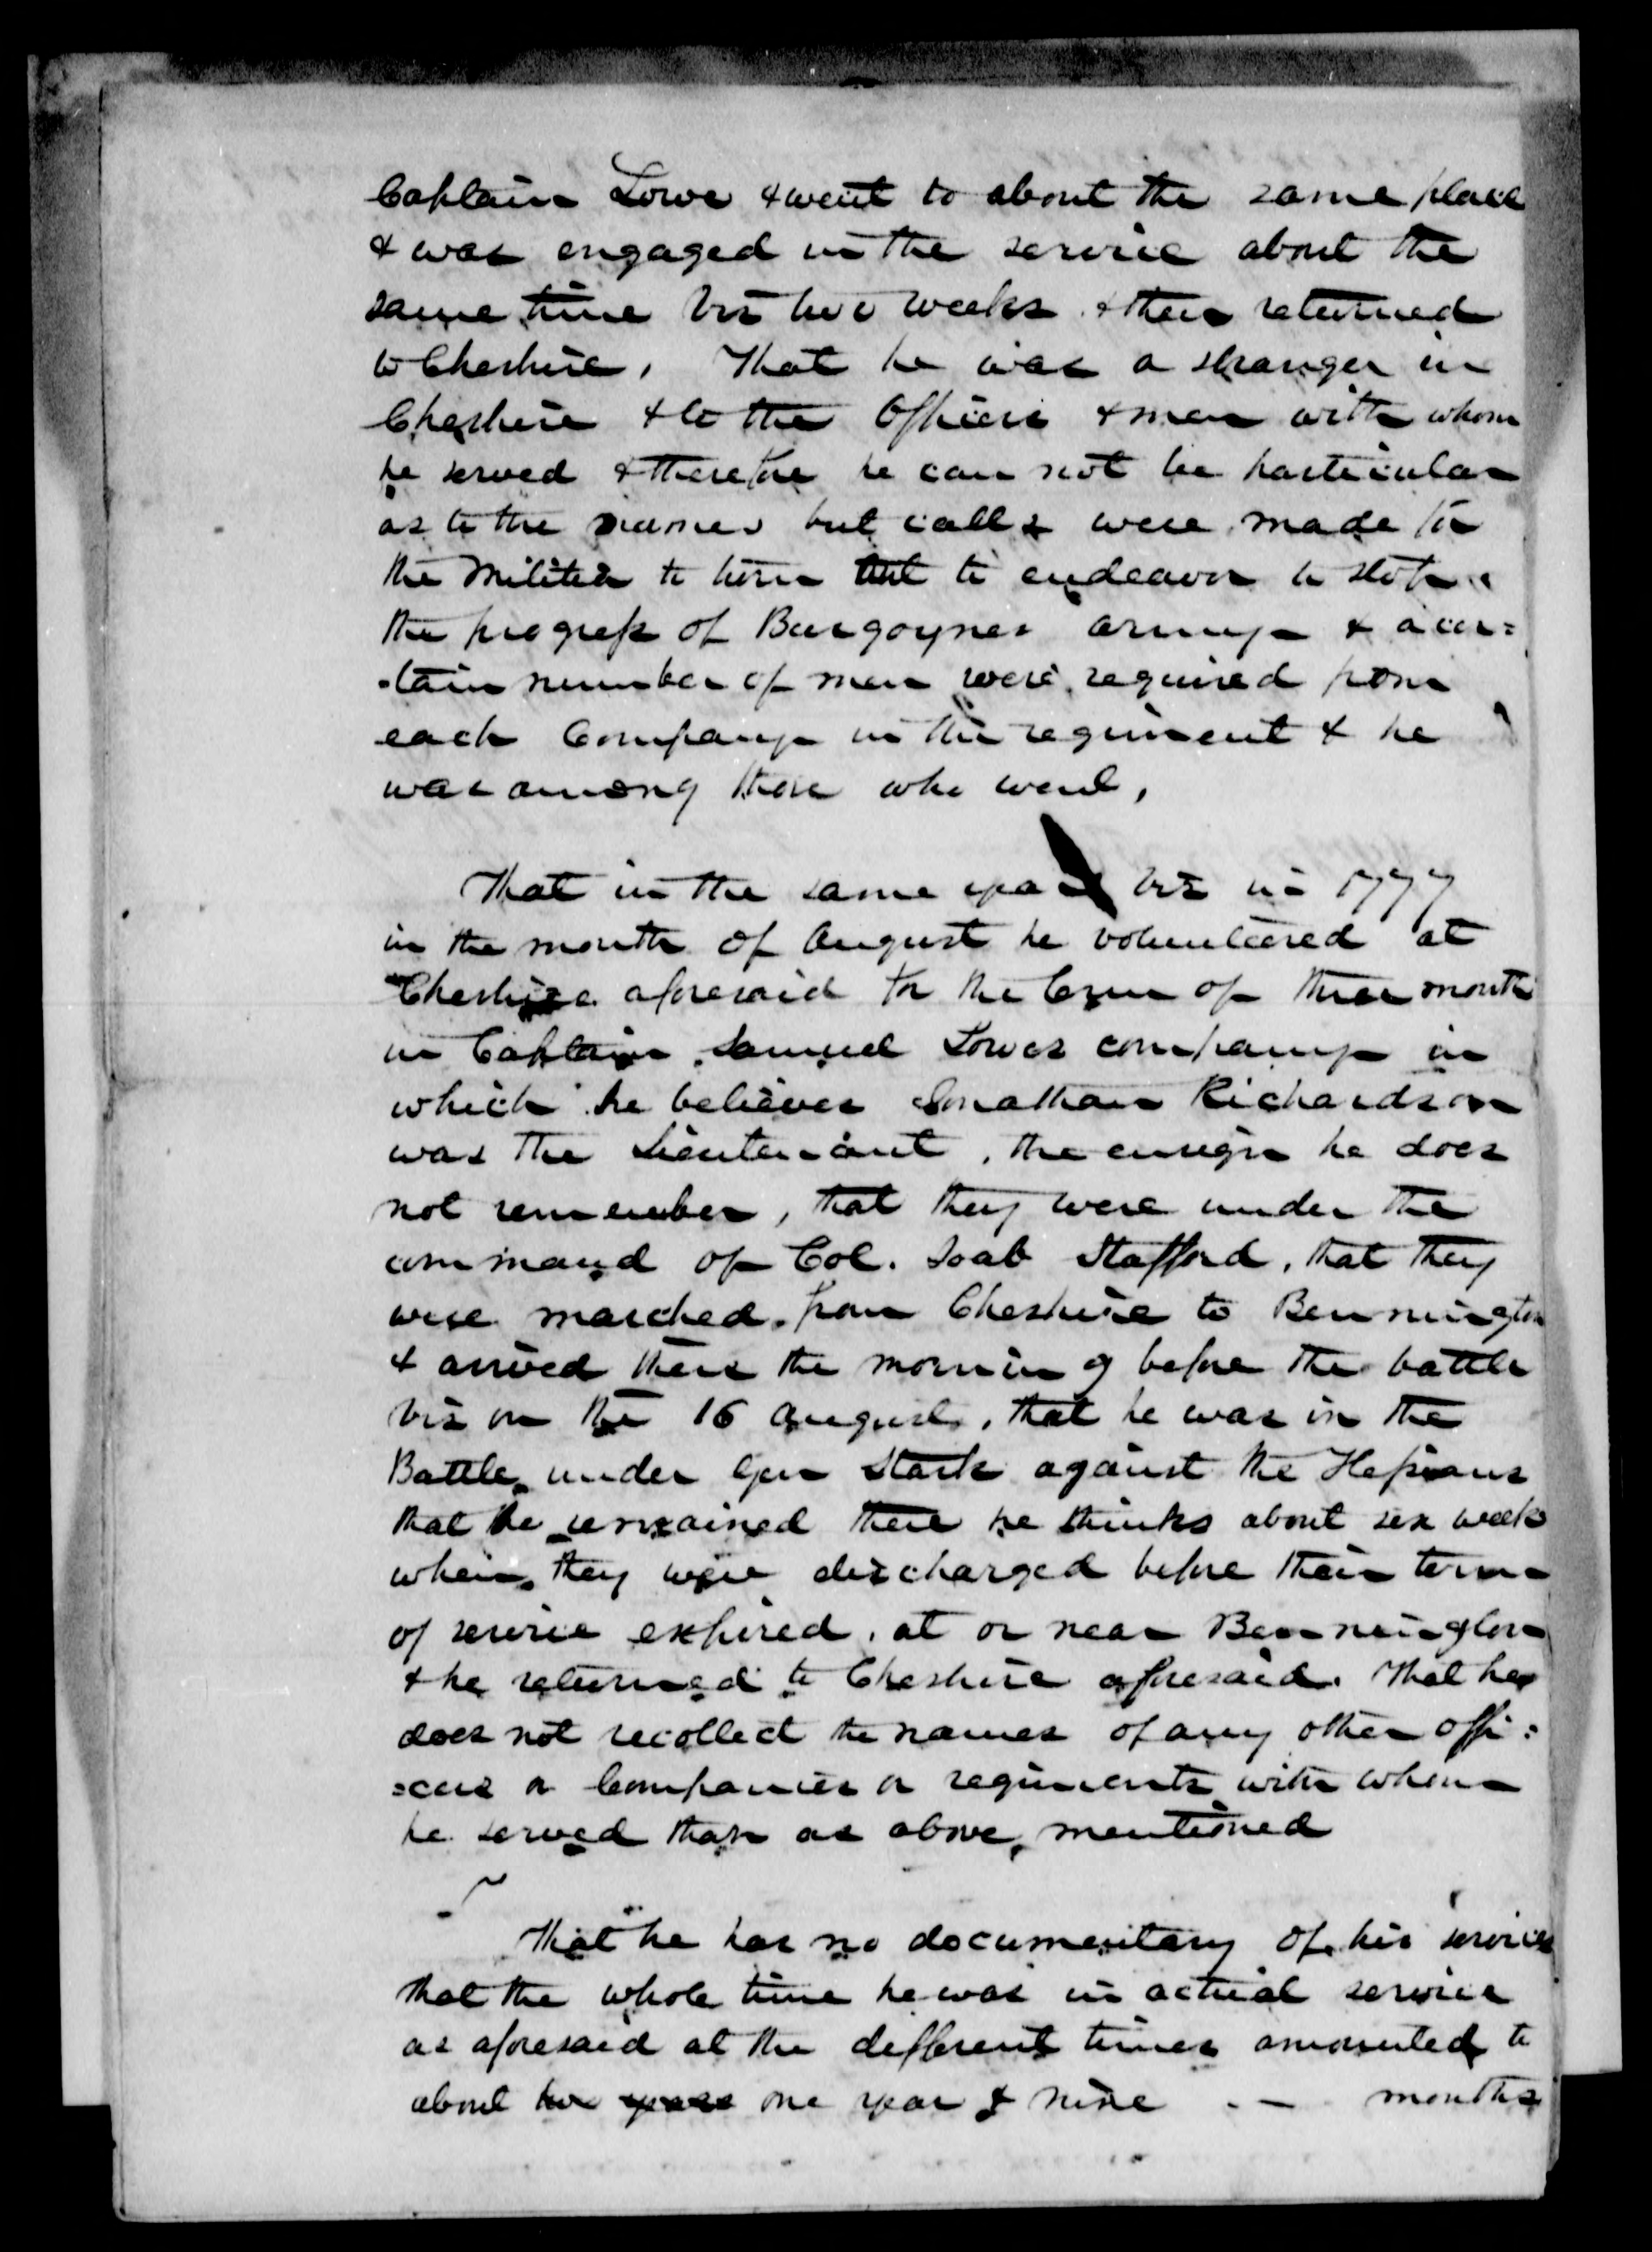Captain Lowe & went to about the same place & was engaged in the service about the same time vis two weeks & then returned to Cheshire.  That he was a stranger in Cheshire & to the officers & men with whom he served & therefore he can not be particular as to the names but call & were made in the Militia to turn that to endeavor to stop the progress of Burgoynes army - & accertain number of men were required from each Company in the regiment & he was among those who went.

That in the same year vis in 1777 in the month of August he volunteered at Cheshire aforesaid for the term of three months in Captain Samuel Lowes company in which he believes Jonathan Richardson was the Lieutenant, the ensign he does not remember, that they were under the command of Col. Joab Stafford, that they were marched from Cheshire to Bennington  & arrived there the morning before the battle vis on the 16 August, that he was in the Battle under Gen Stark against the Hessians that he remained there he thinks about six weeks when they were discharged before their term of service expired, at or near Bennington & he returned to Cheshire aforesaid.  That he does not recollect the names of any other officers or Companies or regiments with whom he served than as above mentioned

That he has no documentary of his service that the whole time he was in actual service as aforesaid at the different times amounted to about one year & nine - months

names: Jonathan Richardson, Stark, Joab Stafford, Lowe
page: 10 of 18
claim: survivor's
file: S. 11731, Robert Whippel, Continental Mass R. I.